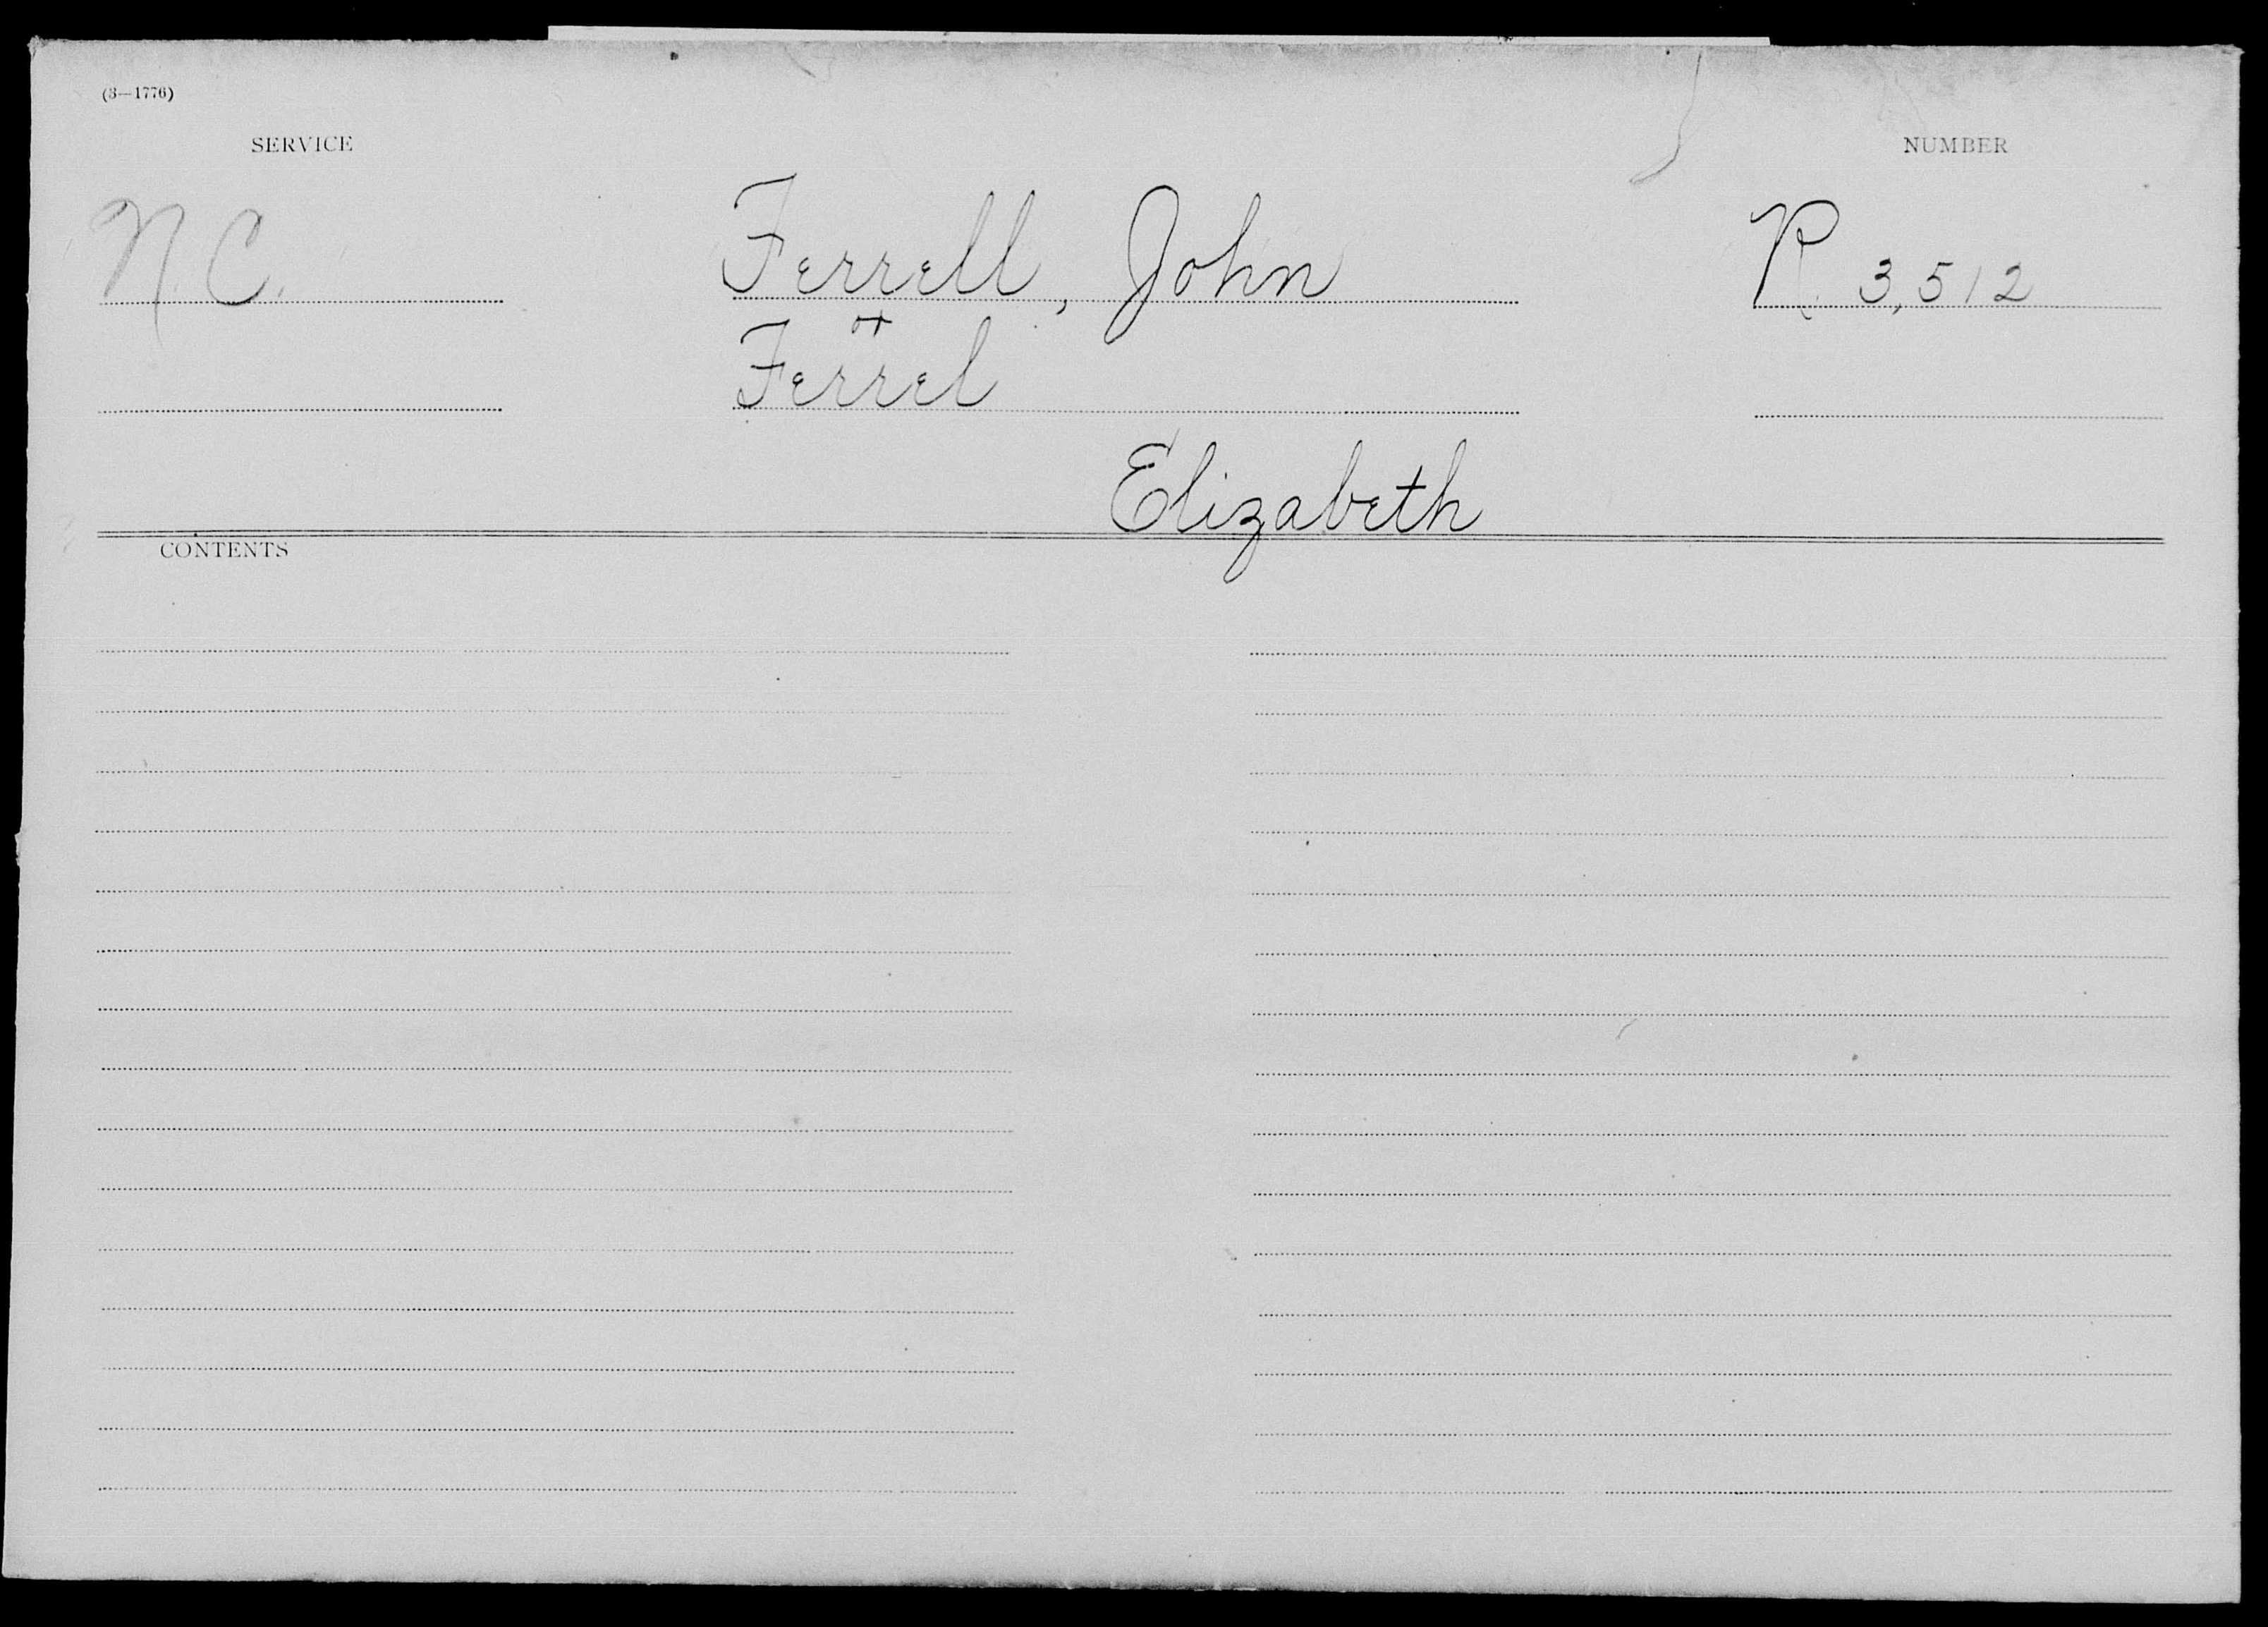(3-1776)

SERVICE
N.C.

Ferrell, John

NUMBER
R 3,512

of
Ferrel

Elizabeth

CONTENTS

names: John Ferrel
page: 1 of 52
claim: rejected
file: R. 3,512, John Ferrell, N.C.